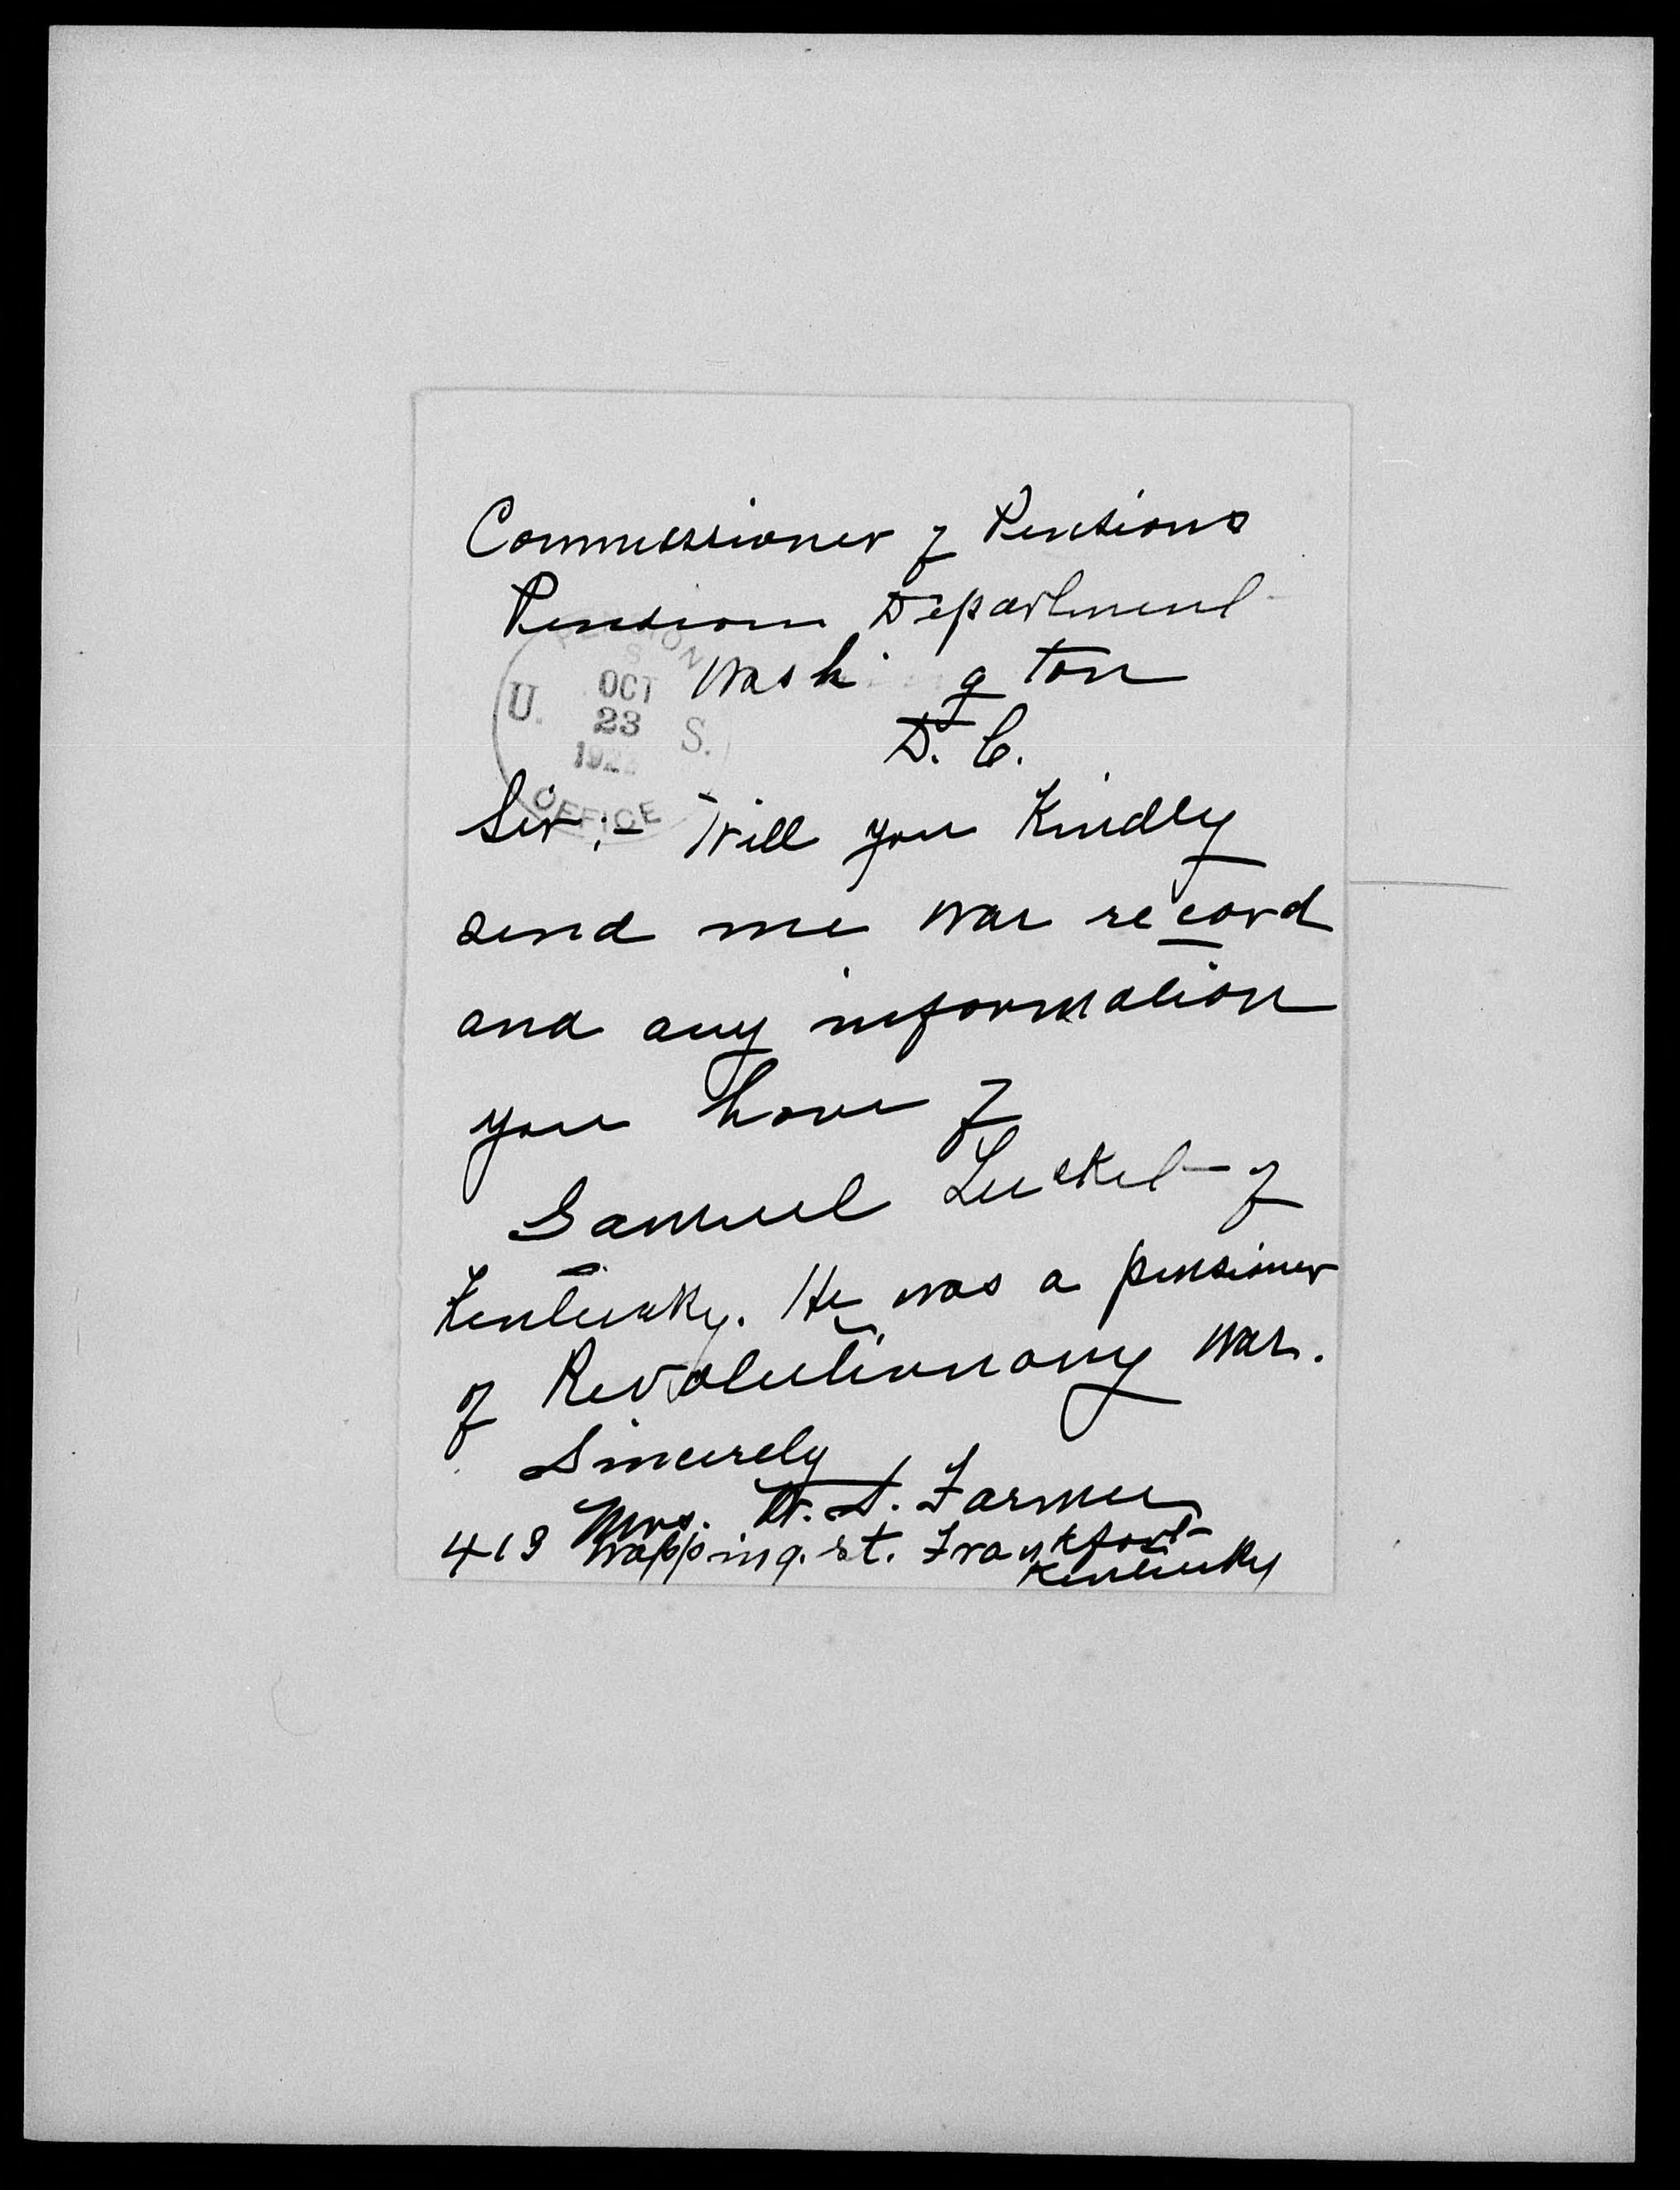Commissioner of Pensions
Pension Department
Washington D.C.

US PENSION OFFICE STAMP - Oct 23, 1928

Sir

Will you kindly send me war record and any information you have of Samuel Lucket of Kentucky. He was a pensioner of revolutionary war.

Sincerely

Mrs. W.S. Farmer
419 Wapping St Frankfort Kentucky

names: W S Farmer; Samuel Lucket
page: 13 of 34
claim: survivor's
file: S. 36,051, for Samuel Luckett, Maryland